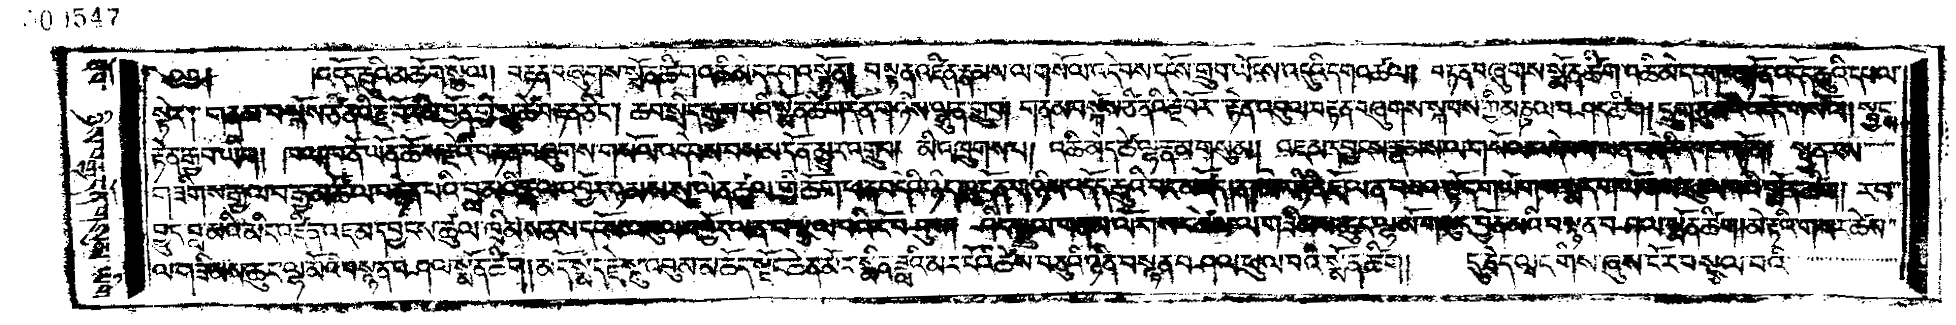༄༅། །འདོད་རྒུའི་མཆོག་སྩོལ། བརྟན་བཞུགས་སྨོན་ཚིག་འཆི་མེད་དགའ་སྟོན། བསྟན་འཛིན་རྣམས་ལ་གསོལ་འདེབས་དངོས་གྲུབ་ཡོངས་འདུའི་དགའ་ཚལ། བརྟན་བཞུགས་སྨོན་ཚིག་འཆི་མེད་དགའ་སྟོན་འདོད་རྒུའི་དཔལ་
སྟེར༑ གནམ་བསྐོས་ཙིནའི་རྗེ་བོར་མ་བྱོན་གྱི་སྐུ་ཚེ་བརྟན་ཅིང་། ཆབ་སྲིད་རྒྱས་པའི་སྨོན་ཚིག་དོན་གཉིས་ལྷུན་གྲུབ། གནམ་བསྐོས་ཙི་ནའི་རྗེ་བོར་རྟེན་འབུལ་བརྟན་བཞུགས་སྐབས་ཀྱི་མཎྜལ་བཤད་ཚིག །དྲུག་ཅུ་མའི་འདོད་གསོལ། སྦྱངས་
རྟེན་རྒྱབ་ཡིག། ཁལ་ཁ་ནོ་ཡོན་ཆོས་རྗེའི་བརྟན་བཞུགས་གསོལ་འདེབས་བསམ་དོན་མྱུར་འགྲུབ། མི་འཁྲུགས་པ། འཆི་མེད་ཚེ་ལྷ་རྣམ་གསུམ། འཇམ་དབྱངས་རྣམས་ལ་གསོལ་འདེབས་ཕན་བདེའི་དགའ་སྟོན། སྤྱན་རས་
གཟིགས་རྒྱལ་བ་རྒྱ་མཚོ་ལ་བརྟེན་པའི་བླ་མའི་རྣལ་འབྱོར་ཉམས་སུ་ལེན་ཚུལ་གྱི་ཆོག་ཕན་བདེའི་ཉིད་ཁུ་དོན་གཉིས་འདོད་རྒུའི་བང་མཛོད། ན་།ཨེར་རྟིནི་ཇོ་ལ་ན་བཟའ་སྟོད་གཡོགས་སྨད་གཡོགས་ཕུལ་བའི་སྨོན་ཚིག། རབ་
བྱུང་བླ་མའི་མིང་འཛིན་འཇམ་དབྱངས་ཚུལ་ཁྲིམས་ནས་དངོས་འབུལ་འབྱོར་ལན་བསྩལ་བའི་ངོ་བཤུས། ཤིང་སྤྲུལ་གནམ་ལོ་གསར་ཚེས་ལ་གཟིམས་ཆུང་ལྷ་མོ་གསུང་བྱོན་མའི་བསྙན་བཤལ་སྨོན་ཚིག །མེ་རྟའི་གསར་ཚེས་
ལ་གཟིམས་ཆུང་ལྷ་མོའི་བསྙན་བཤལ་སྨོན་ཚིག། མདོ་སྨད་རྗེ་སྐུ་འབུམ་མཆོད་སྡོང་ཆེན་མོར་སྨིན་ཟླའི་མར་ངོའི་ཚེས་བཅུའི་ཉིན་བསྙན་བཤལ་ཕུལ་བའི་སྨོན་ཚིག། དུ་རྦེད་ལྭང་གིས་ཞུས་ངོར་བསྩལ་བའི་